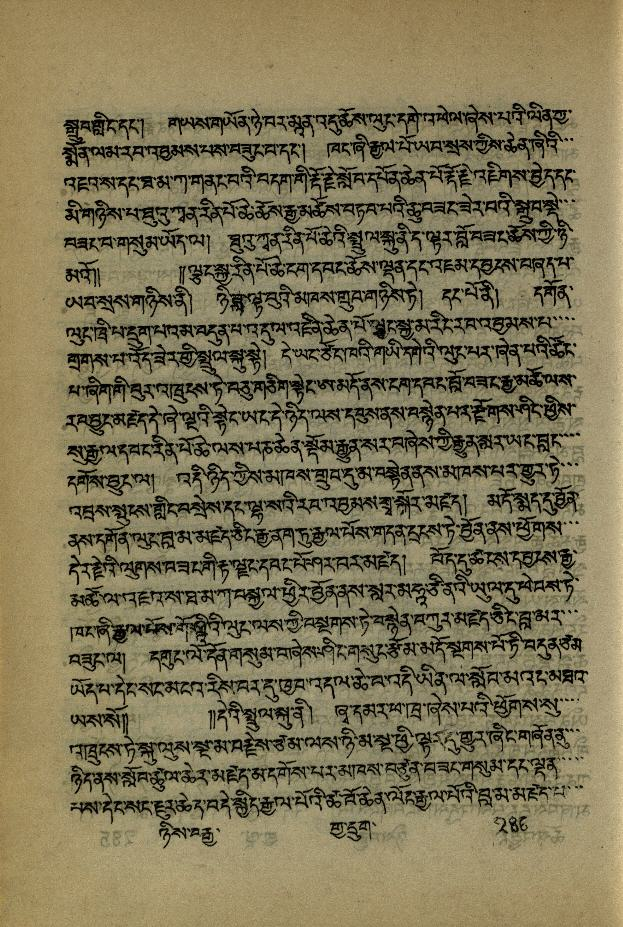སྒྲུབ་གླིང་དང་། གཡས་གཡོན་ཉེ་བར་མཱན་འདུ་ཆོས་ལུང་དགེ་འཕེལ་ཞེས་པའི་ལིན་ཀྱ་
སྨོན་ལམ་རབ་འབྱམས་པས་བཟུང་བ་དང་། ཁང་ཞི་རྒྱལ་པོ་ཡབ་སྲས་ཀྱིས་ཆེན་ཞིའི་
འཇའ་ས་དང་ཐ་མ་ཀ་གནང་བའི་བདག་གི་རྡོ་རྗེ་སློབ་དཔོན་ཆེན་པོ་རྡོ་རྗེ་འཇིགས་བྱེད་དང་
མི་གཉིས་པ་ཐུའུ་ཀྭན་རིན་པོ་ཆེ་ཆོས་རྒྱ་མཚོས་བཏབ་པའི་ཆུ་བཟང་ཟེར་བའི་སྒྲུབ་སྡེ་
བཟང་བ་གསུམ་ཡོད་ལ། ཐུའུ་ཀྭན་རིན་པོ་ཆེའི་སྤྲུལ་སྐུ་ནི་ད་ལྟར་བློ་བཟང་ཆོས་ཀྱི་ཉི་
མའོ།། །།ལྕང་སྐྱ་རིན་པོ་ཆེ་ངག་དབང་ཆོས་ལྡན་དང་འཇམ་དབྱངས་བཞད་པ་
ཡབ་སྲས་གཉིས་ནི། ཉི་ཟླ་ལྟ་བུའི་མཁས་གྲུབ་གཉིས་ཏེ། དང་པོ་ནི། དགོན་
ལུང་ཁྲི་པ་དྲུག་པའམ་བདུན་པ་འདུལ་འཛིན་ཆེན་པོ་ལྕང?་སྐྱ་མ་རིང་རབ་འབྱམས་པ་
གྲགས་པ་འོད་ཟེར་གྱི་སྤྲུལ་སྐུ་སྟེ། དེ་ཡང་ཙོང་ཁའི་གཡི་དགེའི་ལུང་པར་ཞེན་པའི་ཚོང་
པ་ཞིག་གི་བུར་འཁྲུངས་ཏེ་བཅུ་གཅིག་སྟེང་ཨ་མདོ་ནས་ངག་དབང་བློ་བཟང་རྒྱ་མཚོ་ལས་
རབ་བྱུང་མཛད་དེ་ཞེ་ལྔའི་སྟེང་ཡང་དེ་ཉིད་ལས་དབུས་ནས་བསྙེན་པར་རྫོགས་ཤིང་ཕྱིས་
སུ་རྒྱལ་དབང་རིན་པོ་ཆེ་ལས་པཎ་ཆེན་སྡོམ་རྒྱུན་སར་བཞེས་ཀྱི་རྒྱུན་སླར་ཡང་བླང་
དགོས་བྱུང་ལ། འདི་ཉིད་ཀྱིས་མཁས་གྲུབ་དུ་མ་བསྟེན་ནས་མཁས་པར་གྱུར་ཏེ་
འབྲས་སྤུངས་གླིང་བསྲེས་དང་ལྷ་སའི་རབ་འབྱམས་གྲྭ་སྐོར་མཛད། མདོ་སྨད་དུ་བྱོན་
ནས་དགོན་ལུང་བླ་མ་མཛད་ཅིང་རྒྱ་ནག་ཏུ་རྒྱལ་པོས་གདན་དྲངས་ཏེ་བྱོན་ནས་ཕྱོགས་
དེར་རྗེའི་ལུགས་བཟང་གི་རྟ་ལྗང་དབང་པོ་ཤར་བར་མཛད། བོད་དུ་ཚངས་དབྱངས་རྒྱ་
མཚོ་ལ་འཇའ་ས་ཐ་མ་ཀ་བསྐྱལ་ཕྱིར་བྱོན་ནས་སླར་མཧཱ་ཙི་ནའི་ཡུལ་དུ་ཕེབས་ཏེ་
ཁང་ཞི་རྒྱལ་པོས་གོ་ཤྲཱིའི་ལུང་ལས་ཀྱི་བསྔགས་ཏེ་བསྙེན་བཀུར་མཛད་ཅིང་བླ་མར་
བཟུང་ལ། དགུང་ལོ་དོན་གསུམ་བཞེས་ཤིང་གསུང་རྩོམ་མདོ་སྔགས་པོ་ཏི་བདུན་ཙམ་
ཡོད་པ་དེང་སང་མངའ་རིས་བར་དུ་ཁྱབ་འདལ་ཆེ་བ་འདི་ཡིན་ལ་སློབ་མའང་མཐའ་
ཡས་སོ།། །།དེའི་སྤྲུལ་སྐུ་ནི། ཞྭ་དམར་ཕ་ཁྲ་ཞེས་པའི་ཕྱོགས་སུ་
འཁྲུངས་ཏེ་སྐུ་ལུས་སྔ་མ་བརྗེས་ཙམ་ལས་ཉི་མ་སྔ་ཕྱི་ལྟར་དུ་གྱུར་ཞིང་གཞོན་ནུ་
ཉིད་ནས་སློབ་ཚུལ་ཆེར་མཛད་མ་དགོས་པར་མཁས་བཙུན་བཟང་གསུམ་དང་ལྡན་
པས་དེང་སང་ཇུར་ཆེད་བདེ་སྐྱིད་རྒྱལ་པོའི་ཚ་བོ་ཆེན་ལོང་རྒྱལ་པོའི་བླ་མ་མཛད་པ་